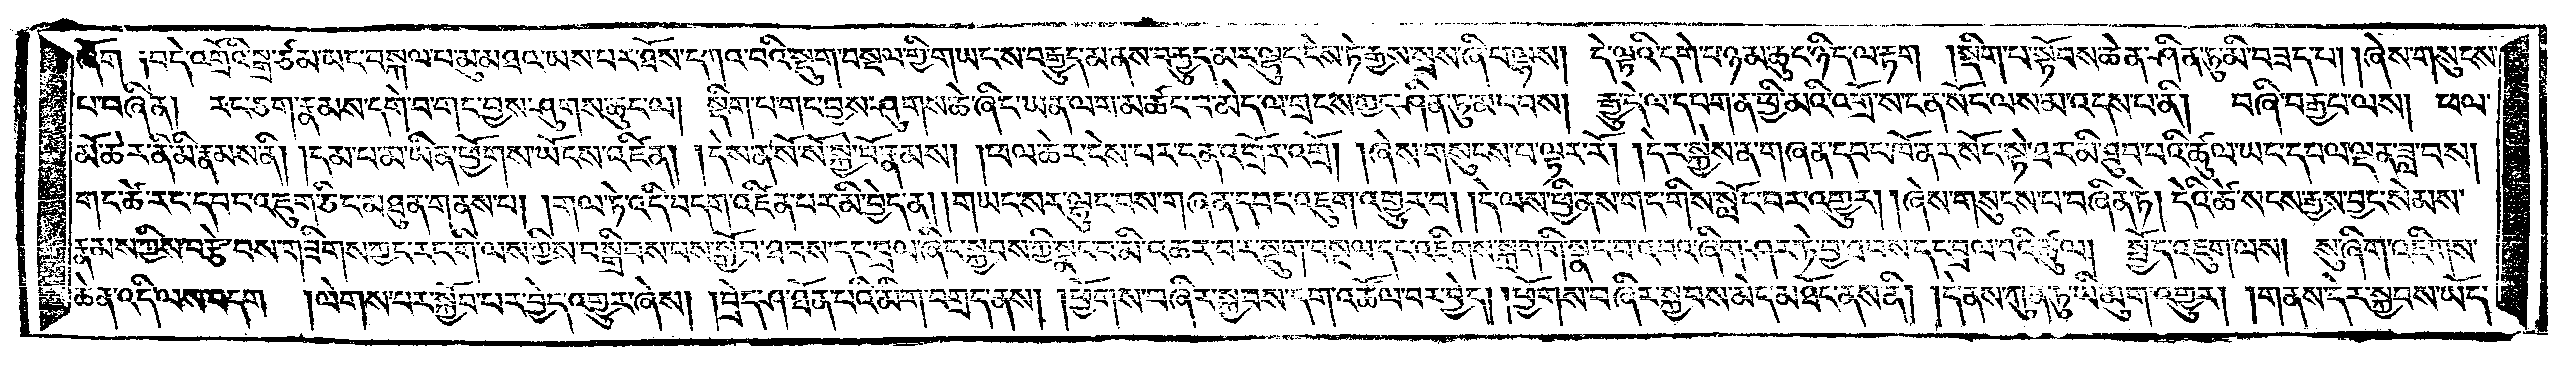ཞོག ༑བདེ་འགྲོའི་སྒྲ་ཙམ་ཡང་བསྐལ་པ་མུ་མཐའ་ཡས་པར་ཐོས་དཀའ་བའི་སྡུག་བསྔལ་གྱི་གཡངས་བ་བརྒྱུད་མ་ནས་བརྒྱུད་མང་ལྷུང་དེས་ཏེ་རྒྱས་སྲས་ཞི་བ་ལྷས། དེ་ལྟའི་དགེ་བ་ཉམ་ཆུང་ཉིད་ལ་རྟག །སྡིག་པ་སྟོབས་ཆེན་ཤིན་ཏུ་མི་བཟད་པ། །ཞེས་གསུངས་
པ་བཞིན། རང་ཅག་རྣམས་དགེ་བ་གང་བྱས་ཤུགས་ཆུང་ལ། སྡིག་པ་གང་བྱས་ཤུགས་ཆེ་ཞིང་ཡན་ལག་མ་ཚང་བ་མེད་ལག་གང་ས་ཀྱང་ཤིན་ཏུ་མང་བས། རྒྱུ་དེ་ལ་དཔག་ན་ཕྱི་མའི་འགྲོ་ས་བོན་སོང་ལས་མ་འདས་པ་ནི། བཞི་བརྒྱ་པ་ལས། ཕལ་
མོ་ཆེར་ནི་མི་རྣམས་ནི། །དམ་པ་མ་ཡིན་ཕྱོགས་ཡོངས་འཛིན། །དེས་ན་སོ་སོ་སྐྱེ་བོ་རྣམས། །ཕལ་ཆེར་ངེས་པར་ངན་འགྲོར་འགྲོ། །ཞེས་གསུངས་པ་ལྟར་རོ། །དེར་སྐྱེས་ན་གཞན་དབང་ཁོ་ནར་སོང་སྟེ་ཐར་མི་ཐུབ་པའི་ཚུལ་ཡང་དཔལ་ལྡན་ཟླ་བས།
གང་ཚེ་རང་དབང་འཇུག་ཅིང་མཐུན་གནས་པ། །གལ་ཏེ་འདི་བདག་འཛིན་པར་མི་བྱེད་ན། །གཡང་སར་ལྷུང་བས་གཞན་དབང་འཇུག་འགྱུར་བ། །དེ་ལས་ཕྱི་ནས་གང་གིས་སློང་བར་འགྱུར། །ཞེས་གསུངས་པ་བཞིན་ཏེ། དེའི་ཚེ་སངས་རྒྱས་བྱང་སེམས་
རྣམས་ཀྱིས་བརྩེ་བས་གཟིགས་ཀྱང་རང་གི་ལས་ཀྱིས་བསྒྲིབས་པས་སྐྱོབ་ཐབས་དང་བྲལ་ཞིང་སྐྱབས་ཀྱི་སྣང་བ་མི་འཆར་བར་སྡུག་བ་སྤལ་དང་འཇིགས་སྐྲག་གི་སྣང་བ་འབའ་ཞིག་ཤར་ཏེ་བྱ་ཐབས་དང་བྲལ་བའི་ཚུལ། །སྤྱོད་འཇུག་ལས། སུ་ཞིག་འཇིགས་
ཆེན་འདི་ལས་བདག །ལེགས་པར་སྐྱོབ་པར་བྱེད་འགྱུར་ཞེས། །བྲེད་ཤ་ཐོན་པའི་མིག་བགྲད་ནས། །ཕྱོགས་བཞིར་སྐྱབས་དགའ་འཚོལ་བར་བྱེད། །ཕྱོགས་བཞིར་སྐྱབས་མེད་མཐོང་ནས་ནི། །དེ་ནས་ཀུན་ཏུ་ཡི་མུག་འགྱུར། །གནས་དེར་སྐྱབས་ཡོད་